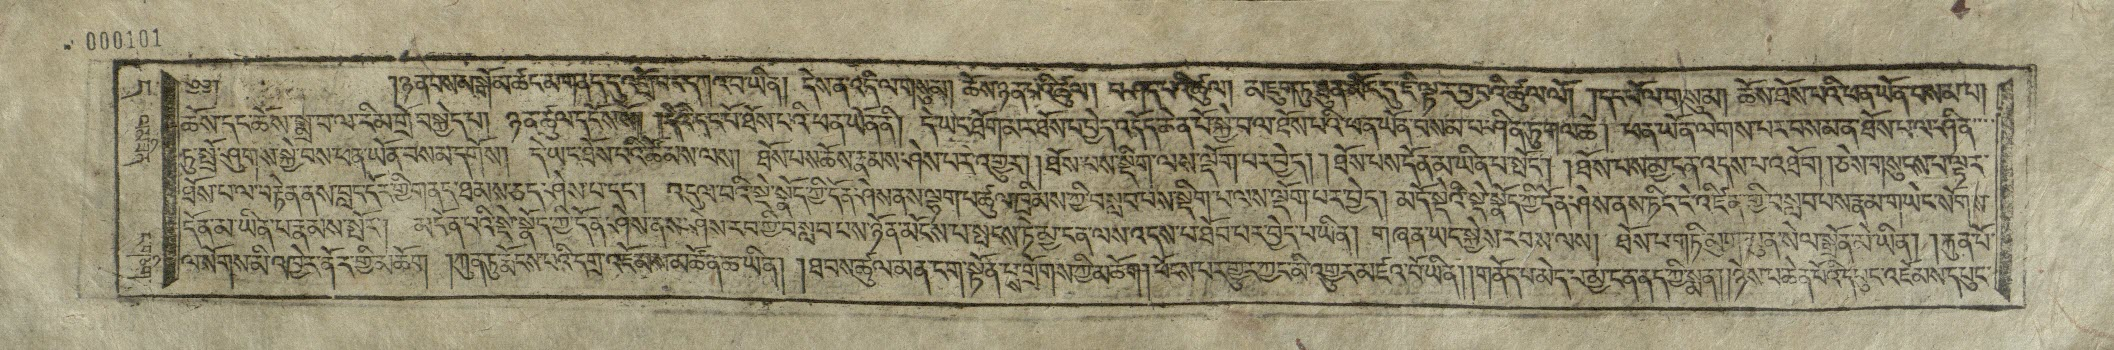༄༅། །ཉན་བསམ་སྒོམ་ཚང་མ་གནད་དུ་འགྲོ་བར་དཀའ་བ་ཡིན། དེས་ན་འདི་ལ་གསུམ། ཆོས་ཉན་པའི་ཚུལ། བཤད་པའི་ཚུལ། མཇུག་ཏུ་ཐུན་མོང་དུ་ཇི་ལྟར་བྱ་བའི་ཚུལ་ལོ། །དང་པོ་ལ་གསུམ། ཆོས་ཐོས་པའི་ཕན་ཡོན་བསམ་པ།
ཆོས་དང་ཆོས་སྨྲ་བ་ལ་རིམ་གྲོ་བསྐྱེད་པ། ཉན་ཚུལ་དངོས་སོ། །དེའི་དང་པོ་ཐོས་པའི་ཕན་ཡོན་ནི། དེ་ཡང་ཐོག་མར་ཐོས་པ་བྱེད་འདོད་ཆེན་པོ་སྐྱེ་བ་ལ་ཐོས་པའི་ཕན་ཡོན་བསམ་པ་ཤིན་ཏུ་གལ་ཆེ། ཕན་ཡོན་ལེགས་པར་བསམ་ན་ཐོས་པ་ལ་ཤིན་
ཏུ་སྤྲོ་ཤུགས་སྐྱེ་བས་ཕན་ཡོན་བསམ་དགོས། དེ་ཡང་ཐོས་པའི་ཚོམས་ལས། ཐོས་པས་ཆོས་རྣམས་ཤེས་པར་འགྱུར། །ཐོས་པས་སྡིག་ལས་ལྡོག་པར་བྱེད། །ཐོས་པས་དོན་མ་ཡིན་པ་སྤོང་། །ཐོས་པས་མྱ་ངན་འདས་པ་འཐོབ། །ཅེས་གསུངས་པ་ལྟར་
ཐོས་པ་ལ་བརྟེན་ནས་བླང་དོར་གྱི་གནད་ཐམས་ཅད་ཤེས་པ་དང་། འདུལ་བའི་སྡེ་སྣོད་ཀྱི་དོན་ཤེས་ནས་ལྷག་པ་ཚུལ་ཁྲིམས་ཀྱི་བསླབ་པས་སྡིག་པ་ལས་ལྡོག་པར་བྱེད། མདོ་སྡེའི་སྡེ་སྣོད་ཀྱི་དོན་ཤེས་ནས་ཏིང་ངེ་འཛིན་གྱི་བསླབ་པས་རྣམ་གཡེང་སོགས་
དོན་མ་ཡིན་པ་རྣམས་སྤོང་། མངོན་པའི་སྡེ་སྣོད་ཀྱི་དོན་ཤེས་ནས་ཤེས་རབ་ཀྱི་བསླབ་པས་ཉོན་མོངས་པ་སྤངས་ཏེ་མྱ་ངན་ལས་འདས་པ་ཐོབ་པར་བྱེད་པ་ཡིན། གཞན་ཡང་སྐྱེས་རབས་ལས། ཐོས་པ་གཏི་མུག་མུན་སེལ་སྒྲོན་མེ་ཡིན། །རྐུན་པོ་
ལ་སོགས་མི་འཁྱེར་ནོར་གྱི་མཆོག །ཀུན་ཏུ་རྨོངས་པའི་དགྲ་འཇོམས་མཚོན་ཆ་ཡིན། །ཐབས་ཚུལ་མན་ངག་སྟོན་པས་གྲོགས་ཀྱི་མཆོག །ཕོངས་པར་གྱུར་ཀྱང་མི་འགྱུར་མཛའ་བོ་ཡིན། །གནོད་པ་མེད་པ་མྱ་ངན་ནད་ཀྱི་སྨན། །ཉེས་པ་ཆེན་པོའི་དཔུང་འཇོམས་དཔུང་